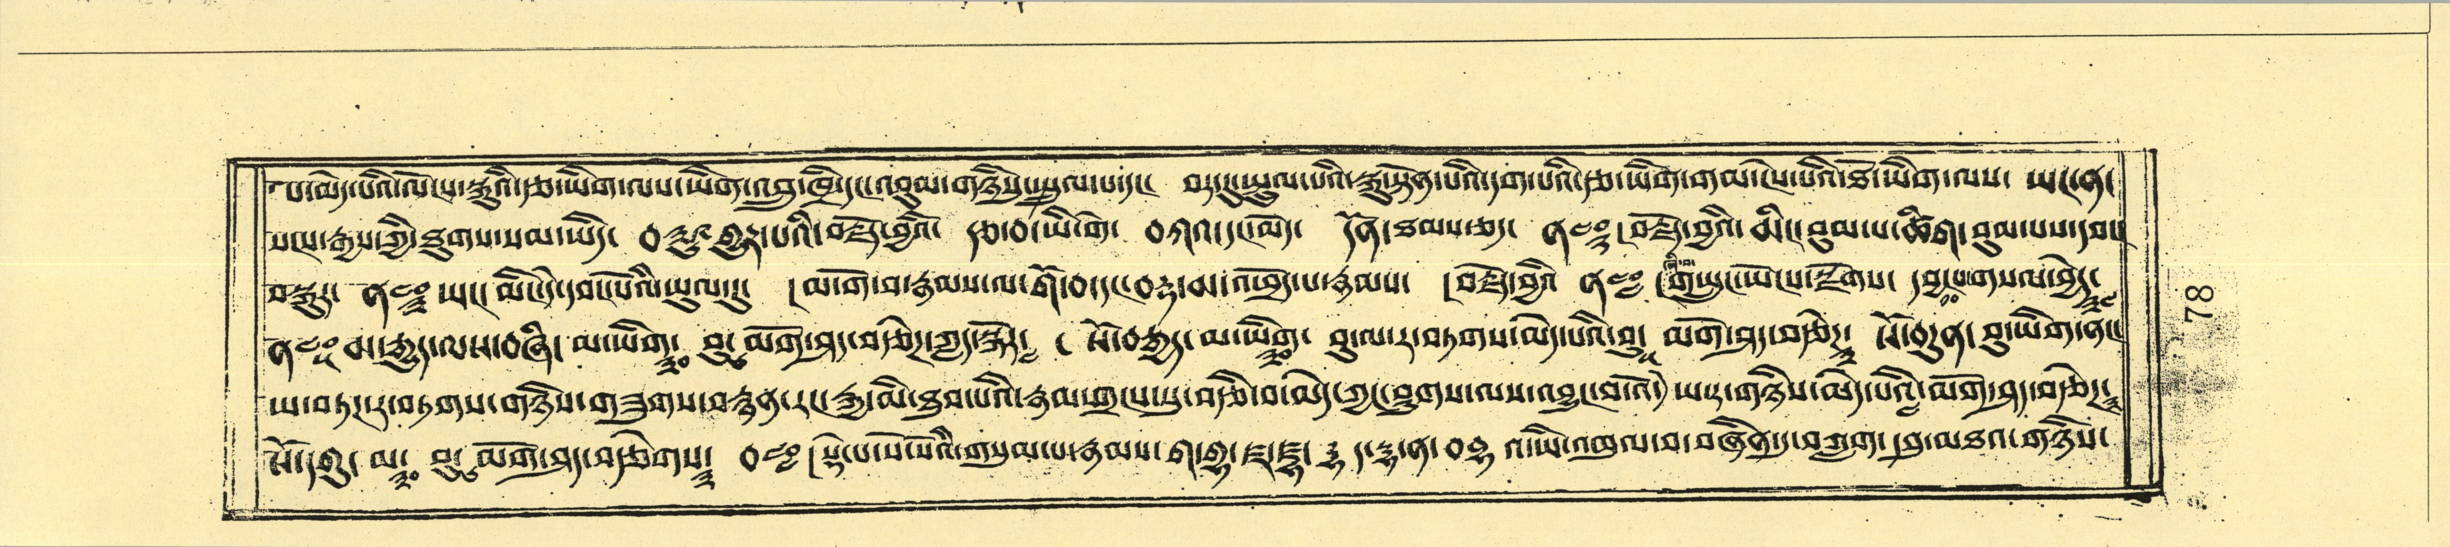པ་མེད་པའི་ལོངས་སྐུའི་རྩ་ཡིག་ལས་ཡིག་འབྲུ་ཁྲི་དང་འབུམ་གཉིས་སུ་སྤྲུལ་པ་དང་། བར་དུ་སྤྲུལ་པའི་སྐུ་སྟོན་པའི་དག་པའི་རྩ་ཡིག་གམ་ངེས་པའི་ཐོ་ཡིག་ལས།༼ཡང་ན༽
སངས་རྒྱས་ཀྱི་ཐུགས་སམ་ཡིད་ བ༣༩།༦གྱུར་པའི་བརྗོད་བྱའི་ རྩ་བ་ཡི་གེ་ བཀའ་དང་མདོ་ དོན་ཐམས་ཅད་ ན༤༠།༢ བརྗོད་བྱའི་༼མིང༽བུམ་པ་ཚིག་བུམ་པས་དབང་
བསྐུར་ ན༤༠།༣ཡང་མིང་དེ་དབང་པོའི་ཡུལ་དུ། མ་གོ་བ་རྣམས་ལ་༼གོ་བ༽དང་༼བརྡ་མ༽འཕྲོད་པ་རྣམས་ བརྗོད་བྱའི་ ན༤༠།༤གཡུང་དྲུང་ཡོངས་རྫོགས་ དབྱངས་གསལ་བྱེད་
ན༤༠།༥༼མ་རྒྱུད་ལས་བཞི༽མ་ཡིག་སུམ་ཅུ་བུ་ཡིག་དྲུག་དྲུག་མགོ་ཤད་བརྩེགས་ཀླད་ཀོར་བཞི་༼སོ་བརྒྱད་༽མ་ཡིག་སུམ་ཅུ་ བུ་ལ་ར་བཏགས་མེད་པའི་བུ་ལྔ་ མགོ་ཤད་བརྩེགས་གསུམ་༼སོ་བདུན༽བུ་ཡིག་ནང་
ཡ་བཏགས་ར་བཏགས་གཉིས་གཟུགས་བརྙན་རང་རྐྱ་མི་ཐུབ་རྣམ་གྲངས་སུ་བརྩི་བ་མེད་ཀྱང་ཤུགས་ལས་འབྱུང་བའོ། ཡ་ར་གཉིས་མེད་པའི་བཞི་མགོ་ཤད་བརྩེགས་
གསུམ་༼སོ་དགུ༽མ་སུམ་ཅུ་བུ་དྲུག་མགོ་ཤད་བརྩེགས་གསུམ་བ༤༠།༤ སྡེ་པ་སོ་སོའི་གསུམ་པ་རྣམས་ག་གྷ་ཛ་ཛྷ་དྷ་ད་དྡྷ་ན་བ་བྷ་འ་ཡིས་འཕུལ་བ་བཞིན་དུ་བཀླག དབུ་མཐའ་གཉིས་